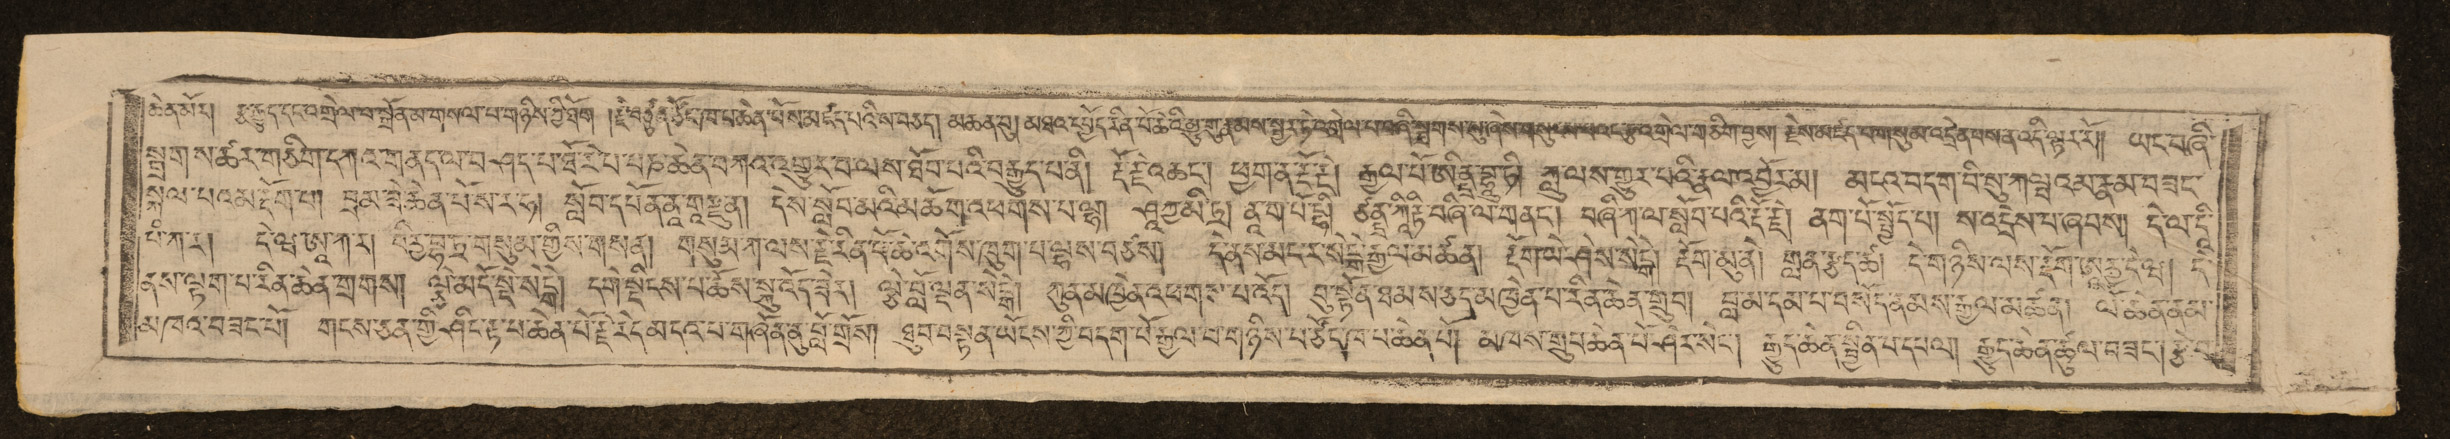ཆེན་མོར། རྩ་རྒྱུད་དང་འགྲེལ་པ་བ་སྒྲོན་མ་གསལ་བ་?གཉིས་ཀྱི་ཐོག །རྗེ་བཙུན་ཙོང་ཁ་ཆེན་པོས་མཛད་པའི་ས་བཅད། མཚན་བུ། མཐའ་དཔྱོད་རིན་པོ་ཆེའི་མྱུ་གུ་རྣམས་སྦྱར་ཏེ་འགྲེལ་པ་བཞི་སྒྲགས་སུ་ཞེས་གསུངས་འང་རྩ་འགྲེལ་གཅིག་བྱས། རྗེས་མཛད་པ་གསུམ་འདྲེན་པས་ན་འདི་ལྟར་རོ།། ཡང་བཞི་
སྦྲགས་ཚར་གཅིག་དཀའ་གནད་ལ་བཤད་པ་ཐོ་རེ་པ་པཎ་ཆེན་བཀའ་འགྱུར་བ་ལས་ཐོབ་པའི་བརྒྱུད་པ་ནི། རྡོ་རྗེ་འཆང་། ཕྱག་ན་རྡོ་རྗེ། རྒྱལ་པོ་ཨིནྡྲ་བྷཱུ་ཏི། ཀླུ་ལས་གྱུར་པའི་རྣལ་འབྱོར་མ། མངའ་བདག་བི་སུ་ཀལ་པ་འམ་རྣམ་བཟང་
སྐལ་པ་འམ་རྡོག་པ། བྲམ་ཟེ་ཆེན་པོ་ས་ར་ཧ། སློབ་དཔོན་ནཱ་གཱ་རྫུན། དེས་སློབ་མའི་མཆོག་འཕགས་པ་ལྷ། ཤཱཀྱ་མི་ཏྲ། ནཱ་ག་པོ་དྷི། ཙནྡྲ་ཀཱིརྟི་བཞི་ལ་གནད། བཞི་ཀ་ལ་སློབ་པའི་རྡོ་རྗེ། ནག་པོ་སྤྱོད་པ། ས་འདྲེས་པ་ཞབས། དེ་ལ་དཱི་
པཾ་ཀར། དེ་ཝ་ཨཱ་ཀ་ར། བིརྱ་བྷ་ཏྲ་གསུམ་གྱིས་གསན། གསུམ་ཀ་ལས་རྗེ་རིན་པོ་ཆེ་འགོས་ཁུག་པ་ལྷས་བཙས། དེ་ནས་མང་ར་སེངྒེ་རྒྱལ་མཚན། རྡོག་ཡེ་ཤེས་སེངྒེ། རྡོག་མུ་ནི། གླང་རྩད་ཚ། དེ་གཉིས་ལས་རྡོག་ཨའྲྱ་དེ་ཝ། དེ་
ནས་ལྟག་པ་རིན་ཆེན་གྲགས། ལྕེ་མདོ་སྡེ་སེངྒེ། དགེ་སྡིངས་པ་ཆོས་སྐུ་འོད་ཟེར། ལྕེ་བློ་ལྡན་སེངྒེ། ཀུན་མཁྱེན་འཕགས་པ་འོད། བུ་སྟོན་ཐམས་ཅད་མཁྱེན་པ་རིན་ཆེན་གྲུབ། བླ་མ་དམ་པ་བསོད་ནམས་རྒྱལ་མཚན། ལོ་ཆེན་ནམ་
མཁའ་བཟང་པོ། གངས་ཅན་གྱི་ཤིང་རྟ་བ་ཆེན་པོ་རྗེ་རེང་མདའ་པ་གཞོན་ནུ་བློ་གྲོས། ཐུབ་བསྟན་ཡོངས་ཀྱི་བདག་པོ་རྒྱལ་བ་གཉིས་པ་ཙོང་ཁ་པ་ཆེན་པོ། མཁས་གྲུབ་ཆེན་པོ་ཤེར་སེང་། རྒྱུད་ཆེན་སྦྱིན་པ་དཔལ། རྒྱུད་ཆེན་ཚུལ་བཟང་། རྩེ་བ་